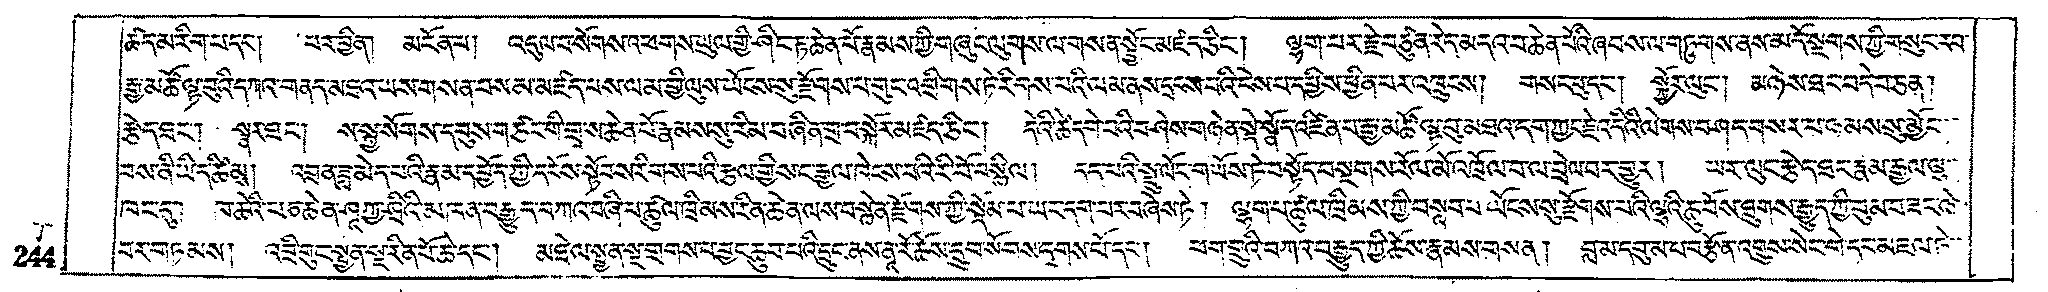ཚད་མ་རིག་པ་དང་། ཕར་ཕྱིན། མངོན་པ། འདུལ་བ་སོགས་འཕགས་ཡུལ་གྱི་ཤིང་རྟ་ཆེན་པོ་རྣམས་ཀྱི་གཞུང་ལུགས་ལ་གསན་སྦྱོང་མཛད་ཅིང་། ལྷག་པར་རྗེ་བཙུན་རེད་མདའ་བ་ཆེན་པོའི་ཞབས་ལ་གཏུགས་ནས་མདོ་སྔགས་ཀྱི་གསུང་རབ་
རྒྱ་མཚོ་ལྟ་བུའི་དཀའ་གནད་མཐའ་ཡས་གསན་བསམ་མཛད་པས་ལམ་གྱི་ལུས་ཡོངས་སུ་རྫོགས་པ་གུང་འགྲིགས་ཏེ་རིགས་པའི་ལམ་ནས་དྲངས་པའི་ངེས་པ་དཔྱིས་ཕྱིན་པར་འཁྲུངས། གསང་ཕུ་དང་། སྐྱོར་ལུང་། མཉེས་ཐང་བདེ་བ་ཅན།
རྩེད་ཐང་། སྣར་ཐང་། ས་སྐྱ་སོགས་དབུས་གཙང་གི་གྲྭ་ས་ཆེན་པོ་རྣམས་སུ་རིམ་བཞིན་གྲ་བསྐོར་མཛད་ཅིང་། དེའི་ཚེ་དགེ་བའི་བཤེས་གཉེན་སྡེ་སྣོད་འཛིན་པ་རྒྱ་མཚོ་ལྟ་བུ་མཐའ་དག་ཀྱང་རྗེ་འདིའི་ལེགས་བཤད་གསར་པ་ཉམས་སུ་མྱོང་་་
བས་ནི་ཡིད་ཚིམས། འགྲན་ཟླ་མེད་པའི་རྣམ་དཔྱོད་ཀྱི་དངོས་སྟོབས་རིགས་པའི་རྩལ་གྱིས་ང་རྒྱལ་ཁེངས་པའི་རི་བོ་བསྙིལ། དད་པའི་སྤུ་ལོང་གཡོས་ཏེ་བསྟོད་བསྔགས་རོལ་མོ་འཁྲོལ་བ་ལ་བྲེལ་བར་གྱུར། ཡར་ལུང་རྩེད་ཐང་རྣམ་རྒྱལ་ལྷ་་་
ཁང་དུ། ཁ་ཆེའི་པཎ་ཆེན་ཤཱཀྱ་ཤྲིའི་མཁན་བརྒྱུད་བཀའ་བཞི་པ་ཚུལ་ཁྲིམས་རིན་ཆེན་ལས་བསྙེན་རྫོགས་ཀྱི་སྡོམ་པ་ཡང་དག་པར་བཞེས་ཏེ། ལྷག་པ་ཚུལ་ཁྲིམས་ཀྱི་བསླབ་པ་ཡོངས་སུ་རྫོགས་པའི་ལྷའི་ཆུ་བོས་ཐུགས་རྒྱུད་ཀྱི་བུམ་བཟང་ཉེ་
བར་གཏམས། འབྲི་གུང་སྤྱན་སྔ་རིན་པོ་ཆེ་དང་། མཐེལ་སྤྱན་སྔ་གྲགས་པ་བྱང་ཆུབ་པའི་དྲུང་ནས་ནཱ་རོ་ཆོས་དྲུག་སོགས་དྭགས་པོ་དང་། ཕག་གྲུའི་བཀའ་བརྒྱུད་ཀྱི་ཆོས་རྣམས་གསན། བླ་མ་དབུ་མ་པ་བརྩོན་འགྲུས་སེང་གེ་དང་མཇལ་ཏེ་་་